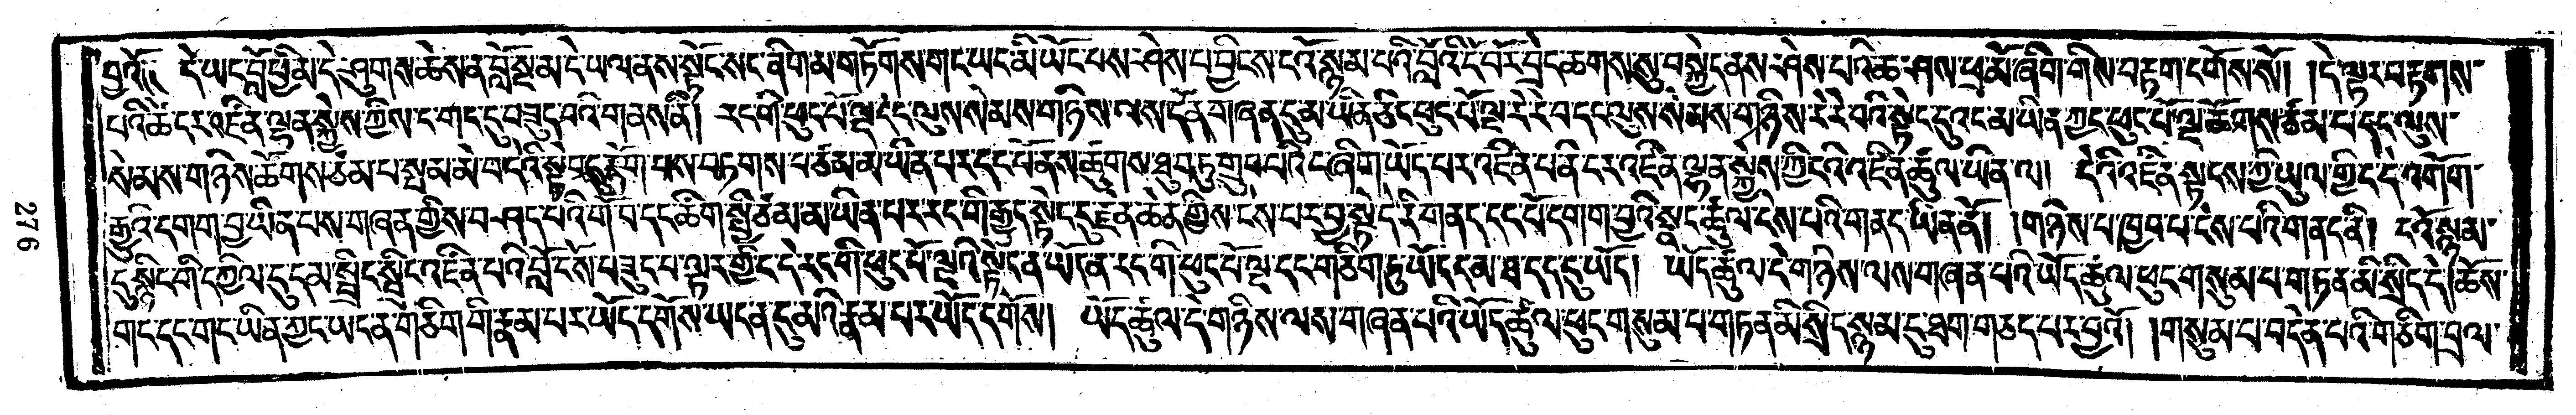བྱའོ༑༑ དེ་ཡང་བློ་ཕྱི་མ་དེ་ཤུགས་ཆེས་ན་བློ་སྔ་མ་དེ་ཡལ་ནས་སྟོང་སང་ཞིག་མ་གཏོགས་གང་ཡང་མི་ཡོང་པས་ཤེས་པ་བྱིངས་ངའོ་སྙམ་པའི་བློའི་ངོ་བོར་བྲེད་ཆགས་སུ་བསྐྱེད་ནས་ཤེས་པའི་ཆ་ཤས་ཕྲ་མོ་ཞིག་གིས་བརྟག་དགོས་སོ། །དེ་ལྟར་བརྟགས་
པའི་ཚེ་ངར་འཛིན་ལྷན་སྐྱེས་ཀྱིས་ང་གང་དུ་བཟུང་བའི་གནས་ནི། རང་གི་ཕུང་པོ་ལྔ་དད་ལུས་སེམས་གཉིས་ལས་དོན་གཞན་དུ་མ་ཡིན་ཅིང་ཕུང་པོ་ལྔ་རེ་རེ་བ་དང་ལུས་སེམས་གཉིས་རེ་རེ་བའི་སྟེང་དུའང་མ་ཡིན་ཀྱང་ཕུང་པོ་ལྔ་ཚོགས་ཙམ་པ་དང་ལུས་
སེམས་གཉིས་ཚོགས་ཙམ་པ་སྤམ་མེད་བ་དེའི་སྟེ་བ་དུ་རྟོག་པས་བཏགས་པ་ཙམ་མ་ཡིན་པར་དང་པོ་ནས་ཚུགས་ཐུབ་ཏུ་གྲུབ་པའི་ང་ཞིག་ཡོད་པར་འཛིན་པ་ནི་ངར་འཛིན་ལྷན་སྐྱེས་ཀྱི་ངའི་འཛིན་ཚུལ་ཡིན་ལ། དེའི་འཛིན་སྟངས་ཀྱི་ཡུལ་གྱི་ང་དེ་འགོག་
རྒྱུའི་དགག་བྱ་ཡིན་པས་གཞན་གྱིས་བཤད་པའི་གོ་བ་དང་ཚིག་སྤྱི་ཙམ་མ་ཡིན་པར་རང་གི་རྒྱུད་སྟེང་དུ་རྗེན་ཆེན་གྱིས་ངེས་པར་བྱ་སྟེ་དེ་རི་གནད་དང་པོ་དགག་བྱའི་སྣང་ཚུལ་ངེས་པའི་གནད་ཡིན་ནོ། །གཉིས་པ་ཁྱབ་པ་ངེས་པའི་གནད་ནི། ངའོ་སྙམ་
དུ་སྙིང་གི་དཀྱིལ་དུ་དམ་སྦྲིང་སྦྲིང་འཛིན་པའི་བློ་ངོས་བཟུང་པ་ལྟར་གྱི་ང་དེ་རང་གི་ཕུང་པོ་ལྔའི་སྟེང་ན་ཡོད་ན་རང་གི་ཕུང་པོ་ལྔ་དང་གཅིག་ཏུ་ཡོད་དམ་ཐ་དད་དུ་ཡོད། ཡོད་ཚུལ་དེ་གཉིས་ལས་གཞན་པའི་ཡོད་ཚུལ་ཕུང་གསུམ་པ་གཏན་མི་སྲིད་དེ། ཆོས་
གང་དང་གང་ཡིན་ཀྱང་ཡང་ན་གཅིག་གི་རྣམ་པར་ཡོད་དགོས་ཡང་ན་དུ་མའི་རྣམ་པར་ཡོད་དགོས། ཡོད་ཚུལ་དེ་གཉིས་ལས་གཞན་པའི་ཡོད་ཚུལ་ཕུང་གསུམ་པ་གཏན་མི་སྲིད་སྙམ་དུ་ཐག་གཅད་པར་བྱའོ། །གསུམ་པ་བདེན་པའི་གཅིག་བྲལ་